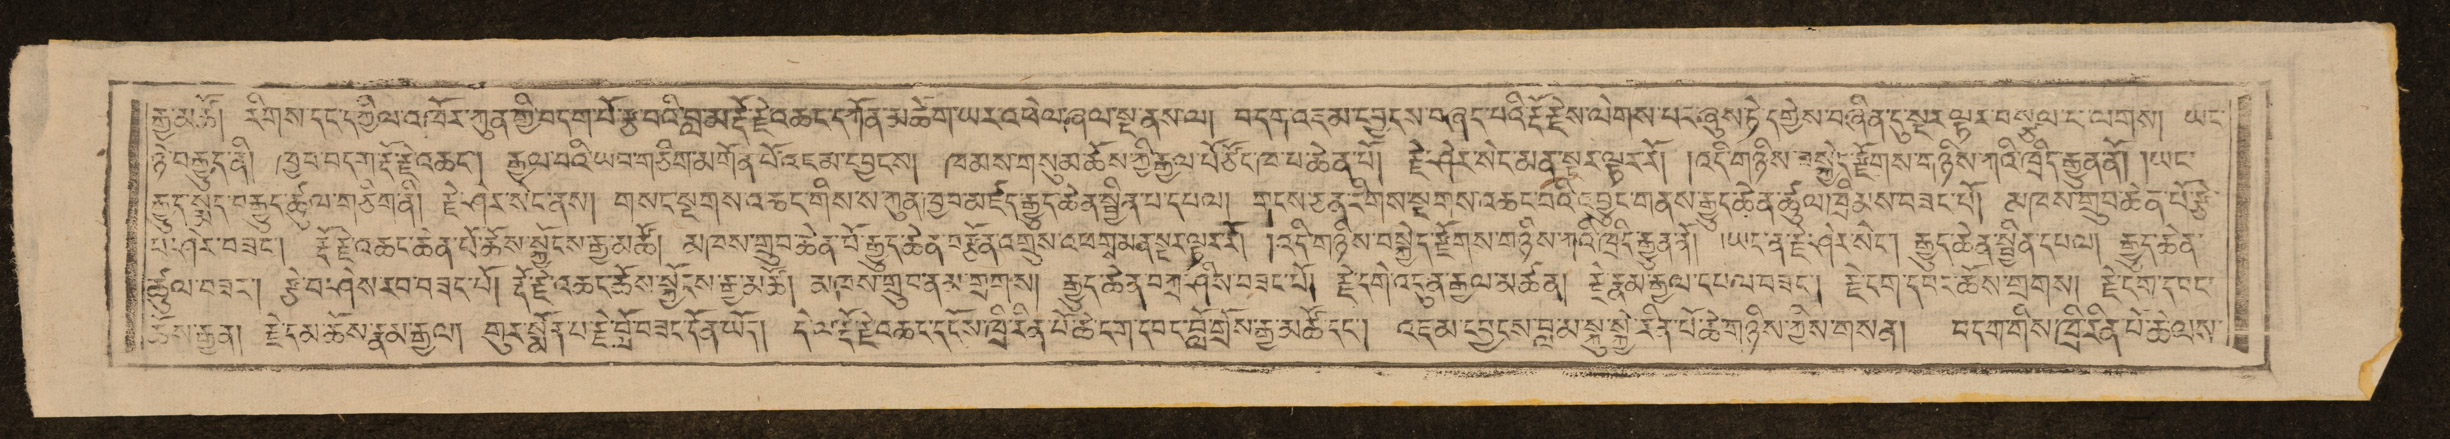རྒྱ་མཚོ། རིགས་དང་དཀྱིལ་འཁོར་ཀུན་གྱི་བདག་པོ་རྩ་བའི་བླ་མ་རྡོ་རྗེ་འཆང་དཀོན་མཆོག་ཡར་འཕེལ་ཞལ་སྔ་ནས་ལ། བདག་འཇམ་དབྱངས་བཞད་པའི་རྡོ་རྗེས་ལེགས་པར་ཞུས་ཏེ་དགྱེས་བཞིན་དུ་སྔར་ལྟར་བསྩལ་པ་ལགས། ཡང་
ཉེ་བརྒྱུད་ནི། ཁྱབ་བདག་རྡོ་རྗེ་འཆང་། རྒྱལ་བའི་ཡབ་གཅིག་མགོན་པོ་འཇམ་དབྱངས། ཁམས་གསུམ་ཆོས་ཀྱི་རྒྱལ་པོ་ཙོང་ཁ་པ་ཆེན་པོ། རྗེ་ཤེར་སེང་མན་སྔར་ལྟར་རོ། །འདི་གཉིས་བསྐྱེད་རྫོགས་གཉིས་ཀའི་ཁྲིད་རྒྱུན་ནོ། །ཡང་
རྒྱུད་སྨད་བརྒྱུད་ཚུལ་གཅིག་ནི། རྗེ་ཤེར་སེང་ནས། གསང་སྔགས་འཆད་གིས་ས་ཀུན་ཁྱབ་མཛད་རྒྱུད་ཆེན་སྦྱིན་པ་དཔལ། གངས་ཅན་རིགས་སྔགས་འཆང་བའི་འབྱུང་གནས་རྒྱུད་ཆེན་ཚུལ་ཁྲིམས་བཟང་པོ། མཁས་གྲུབ་ཆེན་པོ་རྩེ་
པ་ཤེར་བཟང་། རྡོ་རྗེ་འཆང་ཆེན་པོ་ཆོས་སྐྱོངས་རྒྱ་མཚོ། མཁས་གྲུབ་ཆེན་པོ་རྒྱུད་ཆེན་བརྩོན་འགྲུས་འཕགས་མན་སྔར་ལྟར་རོ། །འདི་གཉིས་བསྐྱེད་རྫོགས་གཉིས་ཀའི་ཁྲིད་རྒྱུན་ནོ། །ཡང་ན་རྗེ་ཤེར་སེང་། རྒྱུད་ཆེན་སྦྱིན་དཔལ། རྒྱུད་ཆེན་
ཚུལ་བཟང་། རྩེ་བ་ཤེས་རབ་བཟང་པོ། རྡོ་རྗེ་འཆང་ཆོས་སྐྱོངས་རྒྱ་མཚོ། མཁས་གྲུབ་ནམ་གྲགས། རྒྱུད་ཆེན་བཀྲ་ཤིས་བཟང་པོ། རྗེ་དགེ་འདུན་རྒྱལ་མཚན། རྗེ་རྣམ་རྒྱལ་དཔལ་བཟང་། རྗེ་དག་དབང་ཆོས་གྲགས། རྗེ་དག་དབང་
ཆོས་རྒྱན། རྗེ་དམ་ཆོས་རྣམ་རྒྱལ། གུར་སྨོན་པ་རྗེ་བློ་བཟང་དོན་ཡོད། དེ་ལ་རྡོ་རྗེ་འཆང་དངོས་ཁྲི་རིན་པོ་ཆེ་ངག་དབང་བློ་གྲོས་རྒྱ་མཚོ་དང་། འཇམ་དབྱངས་བླ་མ་སྐུ་སྐྱེ་རིན་པོ་ཆེ་གཉིས་ཀྱིས་གསན། བདག་གིས་ཁྲི་རིན་པོ་ཆེ་ལས་